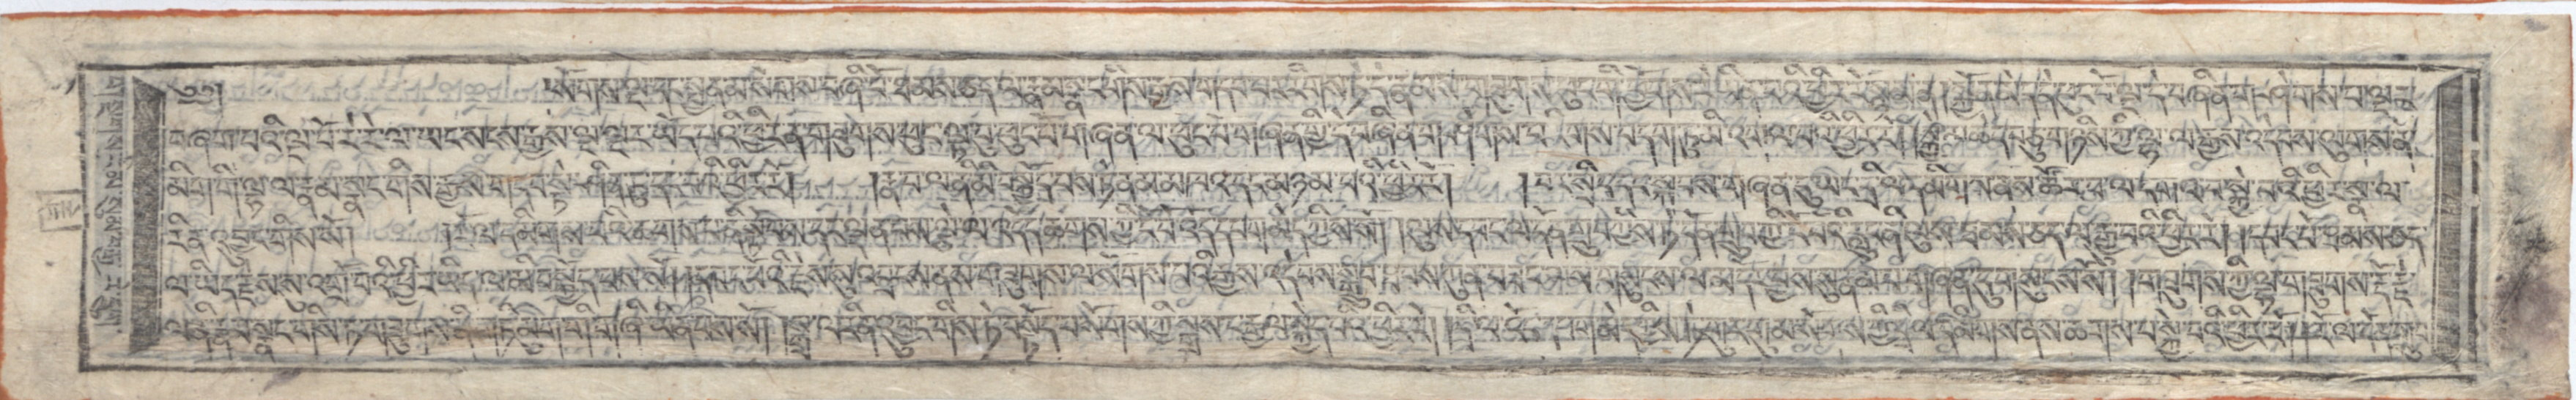༄༅། །སོགས་ལྔ་དང་སྤྱན་མ་སོགས་བཞི་པོ་ཐམས་ཅད་ལ་རྣམ་སྣང་གིས་རྒྱས་གདབ་པར་རིགས་ཏེ་དེ་རྣམས་གཟུགས་ཕུང་གི་ཕྱོགས་རེ་ཡིན་པའི་ཕྱིར་རོ་སྙམ་ན། སྐྱོན་མེད་དེ་ཕུང་པོ་ལྔ་དེ་བཞིན་གཤེགས་པ་ལྔར་
བཞག་པའི་ལྔ་པོ་རེ་རེ་ལ་ཡང་སངས་རྒྱས་ལྔ་ལྔར་ཡོད་པའི་ཕྱིར་ན་གཟུགས་ཕུང་ལྟ་བུ་ཕུང་པོ་གཞན་ལ་ཕུང་པོ་གཞན་གྱི་དེ་བཞིན་གཤེགས་པ་རིགས་བདག་ཏུ་མི་འགལ་བའི་ཕྱིར་རོ། །སྐྱེ་མཆེད་བཅུ་གཉིས་ཀྱི་ལྷ་ལ་རྒྱས་འདེབས་ལུགས་ནི་
མིག་གི་ལྷ་ལ་རྣམ་སྣང་གིས་རྒྱས་གདབ་སྟེ་ཤིན་ཏུ་དང་བའི་ཕྱིར་རོ། །རྣ་བ་ལ་ནི་མི་བསྐྱོད་པས་ཏེ་ནམ་མཁའ་དང་མཉམ་པའི་ཕྱིར་རོ། །བར་སྲིད་དང་སྐབས་གཞན་དུ་ཡང་དྲི་ལ་དམིགས་ནས་ཚོར་བ་ལ་དགའ་བ་སྐྱེ་བའི་ཕྱིར་སྣ་ལ་
རིན་འབྱུང་གིས་སོ། །རོ་ལ་དམིགས་པའི་ཆགས་པ་ནི་སྟོབས་དང་ལྡན་པས་ལྕེ་ལ་འདོད་ཆགས་ཀྱི་ངོ་བོ་འོད་དཔག་མེད་ཀྱིས་སོ། །ལུས་དབང་ལ་དོན་གྲུབ་ཀྱིས་ཏེ་དོན་གྲུབ་ཀྱི་ངོ་བོའི་རླུང་ནི་ལུས་ཐམས་ཅད་ལ་རྒྱུ་བའི་ཕྱིར་རོ། །དབང་པོ་ཐམས་ཅད་
ལ་ཡིད་རྗེས་སུ་འགྲོ་བའི་ཕྱིར་ཡིད་ལ་མི་བསྐྱོད་པས་སོ། །དབང་པོའི་རྗེས་སུ་འབྲངས་ནས་གཟུགས་ལ་སོགས་པའི་རྒྱས་འདེབས་སྒྲུབ་ཐབས་ཀུན་བཟང་ལས་གསུངས་ལ་མདོར་བྱས་སུ་རྣམ་པ་གཞན་དུ་གསུངས་སོ། །གཟུགས་ཀྱི་ལྷ་གཟུགས་རྡོ་རྗེ་
ལ་ནི་རྣམ་སྣང་གིས་ཏེ་གཟུགས་ནི་གཏི་མུག་གི་གཞི་ཡིན་པས་སོ། །སྒྲ་ལ་རིན་འབྱུང་གིས་ཏེ་བསྟོད་པ་སོགས་ཀྱི་སྒྲས་ང་རྒྱལ་སྐྱེད་པའི་ཕྱིར་རོ། །དྲི་ལ་འོད་དཔག་མེད་ཀྱིས་ཏེ་གུར་གུམ་སོགས་ཀྱི་དྲི་ལ་དམིགས་ནས་ཆགས་པ་སྐྱེ་བའི་ཕྱིར་རོ། །རོ་ལ་དོན་གྲུབ་